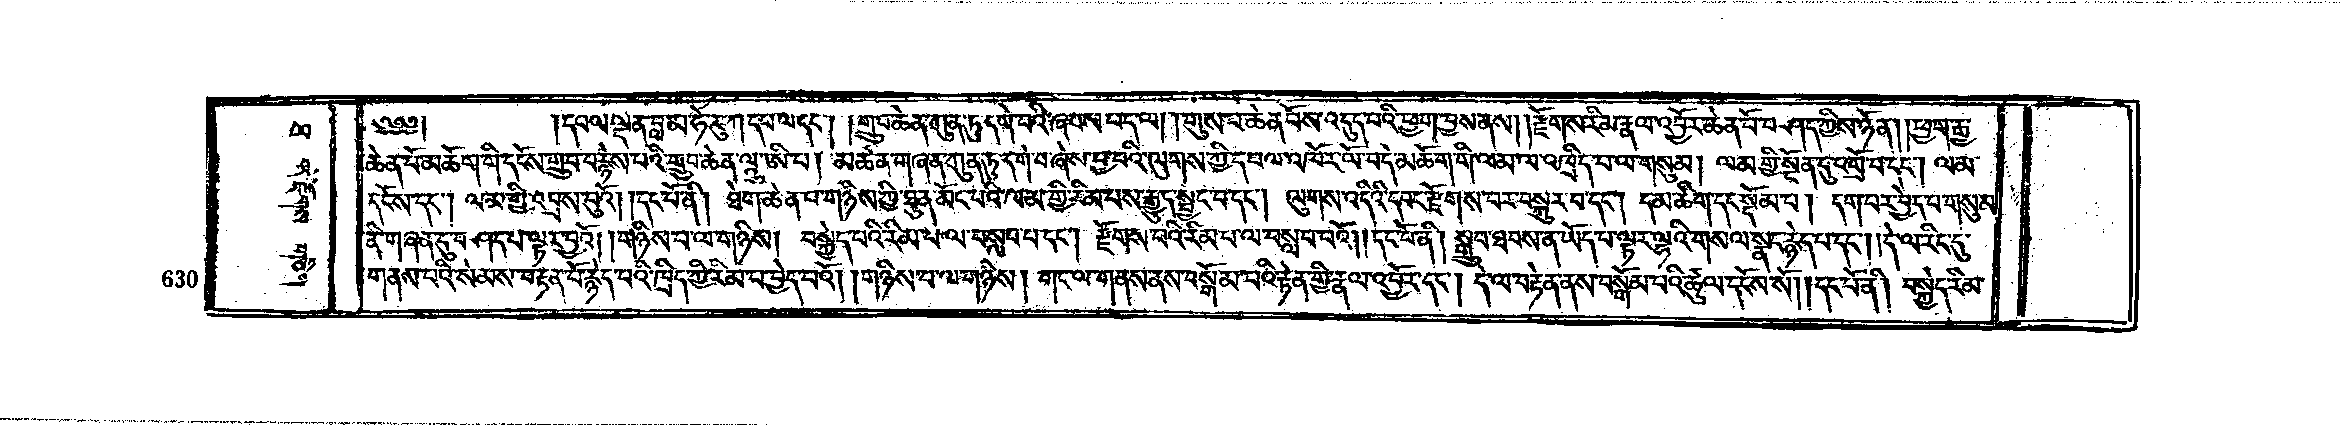༄༅། །དཔལ་ལྡན་བླ་མ་ཧེ་རུ་ཀ་དཔལ་དང་། །གྲུབ་ཆེན་ཀུན་ཏུ་དགེ་བའི་ཞབས་པད་ལ། །གུས་པ་ཆེན་པོས་འདུད་པའི་ཕྱག་བྱས་ནས། །རྫོགས་རིམ་རྣལ་འབྱོར་ཆེན་པོ་བཤད་ཀྱིས་ཉོན། །ཕྱག་རྒྱ་
ཆེན་པོ་མཆོག་གི་དངོས་གྲུབ་བསྙེས་པའི་གྲུབ་ཆེན་ལཱུ་ཨི་པ། མཚན་གཞན་ཀུན་ཏུ་དགེ་བ་ཞེས་བྱ་བའི་ལུགས་ཀྱི་དཔལ་འཁོར་ལོ་བདེ་མཆོག་གི་ལམ་ལ་འཁྲིད་པ་ལ་གསུམ། ལམ་གྱི་སྔོན་དུ་འགྲོ་བ་དང་། ལམ་
དངོས་དང་། ལམ་གྱི་འབྲས་བུའོ། །དང་པོ་ནི། ཐེག་ཆེན་པ་གཉིས་ཀྱི་ཐུན་མོང་བའི་ལམ་གྱི་རིམ་པས་རྒྱུད་སྦྱང་བ་དང་། ལུགས་འདིའི་དབང་རྫོགས་པར་བསྐུར་བ་དང་། དམ་ཚིག་དང་སྡོམ་པ། དག་པར་བྱེད་པ་གསུམ་
ནི་གཞན་དུ་བཤད་པ་ལྟར་བྱའོ། །གཉིས་པ་ལ་གཉིས། བསྐྱེད་པའི་རིམ་པ་ལ་བསླབ་པ་དང་། རྫོགས་པའི་རིམ་པ་ལ་བསླབ་པའོ། །དང་པོ་ནི། སྒྲུབ་ཐབས་ན་ཡོད་པ་ལྟར་ལྷའི་གསལ་སྣང་རྙེད་པ་དང་། དེ་ལ་རིང་དུ་
གནས་པའི་སེམས་བརྟན་པོ་རྙེད་པའི་ཁྲིད་ཀྱི་རིམ་པ་བྱེད་པའོ། །གཉིས་པ་ལ་གཉིས། གང་ལ་གནས་ནས་བསྒོམ་པའི་རྟེན་གྱི་རྣལ་འབྱོར་དང་། དེ་ལ་བརྟེན་ནས་བསྒོམ་པའི་ཚུལ་དངོས་སོ། །དང་པོ་ནི། བསྐྱེད་རིམ་